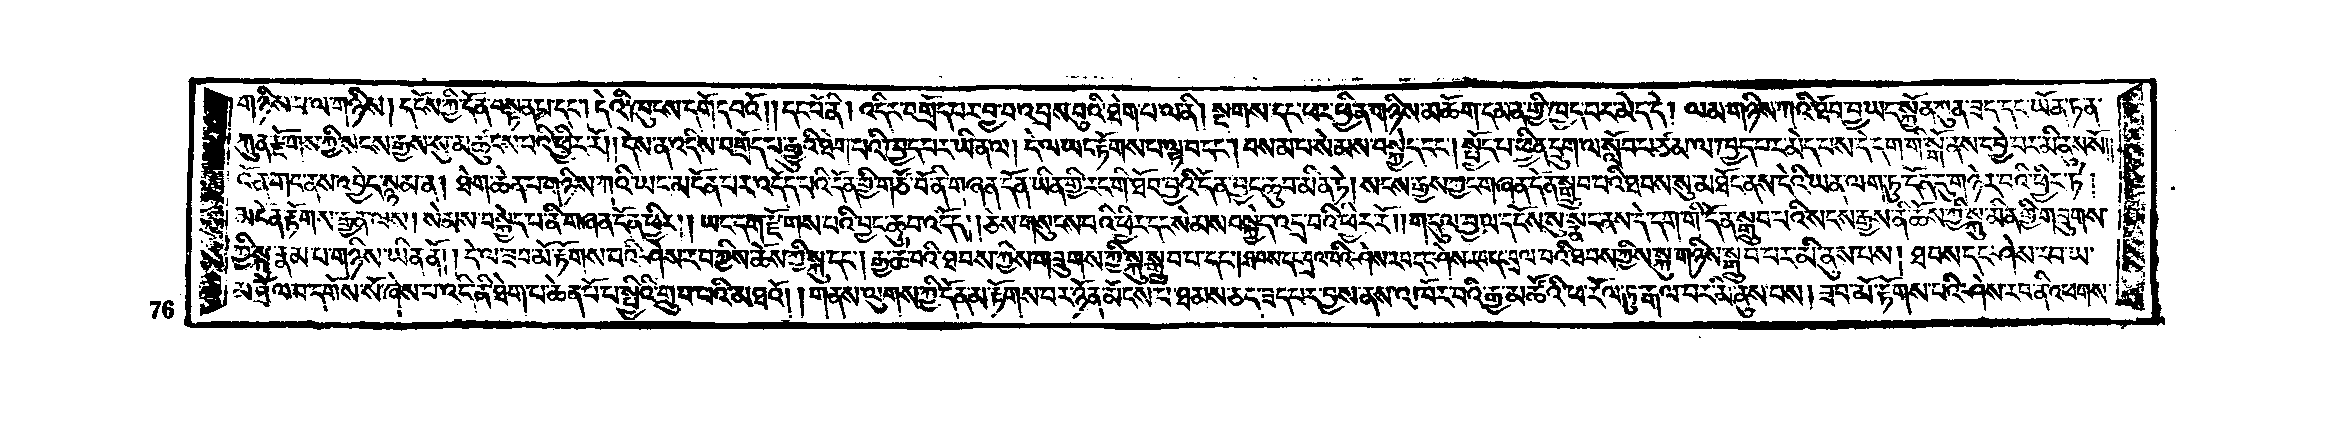གཉིས་པ་ལ་གཉིས། དངོས་ཀྱི་དོན་བསྟན་པ་དང་། དེའི་ཁུངས་དགོད་པའོ། །དང་པོ་ནི། འདིར་བགྲོད་པར་བྱ་བ་འབྲས་བུའི་ཐེག་པ་ལ་ནི། སྔགས་དང་ཕར་ཕྱིན་གཉིས་མཆོག་དམན་གྱི་ཁྱད་པར་མེད་དེ། ལམ་གཉིས་ཀའི་ཐོབ་བྱ་ཡང་སྐྱོན་ཀུན་ཟད་དང་ཡོན་ཏན་
ཀུན་རྫོགས་ཀྱི་སངས་རྒྱས་སུ་མཚུངས་པའི་ཕྱིར་རོ། །དེས་ན་འདིས་བགྲོད་པ་རྒྱུའི་ཐེག་པའི་ཁྱད་པར་ཡིན་ལ། དེ་ལ་ཡང་རྟོགས་པ་ལྟ་བ་དང་། བསམ་པ་སེམས་བསྐྱེད་དང་། སྤྱོད་པ་ཕྱིན་དྲུག་ལ་སློབ་པ་ཙམ་ལ་ཁྱད་པར་མེད་པས་དེ་དག་གི་སྒོ་ནས་དབྱེ་བར་མི་ནུས་སོ། །
འོན་གང་ནས་འབྱེད་སྙམ་ན། ཐེག་ཆེན་པ་གཉིས་ཀའི་ཡང་མངོན་པར་འདོད་པའི་དོན་གྱི་གཙོ་བོ་ནི་གཞན་དོན་ཡིན་གྱི་རང་གི་ཐོབ་བྱའི་དོན་བྱང་ཆུབ་མིན་ཏེ། སངས་རྒྱས་ཀྱང་གཞན་དོན་སྒྲུབ་པའི་ཐབས་སུ་མཐོང་ནས་དེའི་ཡན་ལག་ཏུ་དོན་དུ་གཉེར་བའི་ཕྱིར་ཏེ།
མངོན་རྟོགས་རྒྱན་ལས། སེམས་བསྐྱེད་པ་ནི་གཞན་དོན་ཕྱིར། །ཡང་དག་རྫོགས་པའི་བྱང་ཆུབ་འདོད། །ཅེས་གསུངས་པའི་ཕྱིར་དང་སེམས་བསྐྱེད་འདྲ་བའི་ཕྱིར་རོ། །གདུལ་བྱ་ལ་དངོས་སུ་སྣང་ནས་དེ་དག་གི་དོན་སྒྲུབ་པའི་སངས་རྒྱས་ནི་ཆོས་ཀྱི་སྐུ་མིན་གྱི་གཟུགས་
ཀྱི་སྐུ་རྣམ་པ་གཉིས་ཡིན་ནོ། །དེ་ལ་ཟབ་མོ་རྟོགས་པའི་ཤེས་རབ་ཀྱིས་ཆོས་ཀྱི་སྐུ་དང་། རྒྱ་ཆེ་བའི་ཐབས་ཀྱིས་གཟུགས་ཀྱི་སྐུ་སྒྲུབ་པ་དང་། ཐབས་དང་བྲལ་བའི་ཤེས་རབ་དང་ཤེས་རབ་དང་བྲལ་བའི་ཐབས་ཀྱིས་སྐུ་གཉིས་སྒྲུབ་པར་མི་ནུས་པས། ཐབས་དང་ཤེས་རབ་ཡ་
མ་བྲལ་བ་དགོས་སོ་ཞེས་པ་འདི་ནི་ཐེག་པ་ཆེན་པོ་པ་སྤྱིའི་གྲུབ་པའི་མཐའོ། །གནས་ལུགས་ཀྱི་དོན་མ་རྟོགས་པར་ཉོན་མོངས་པ་ཐམས་ཅད་ཐད་?་པར་བྱས་ནས་འཁོར་བའི་རྒྱ་མཚོའི་ཕ་རོལ་ཏུ་བརྒལ་བར་མི་ནུས་པས། ཟབ་མོ་རྟོགས་པའི་ཤེས་རབ་ནི་འཕགས་